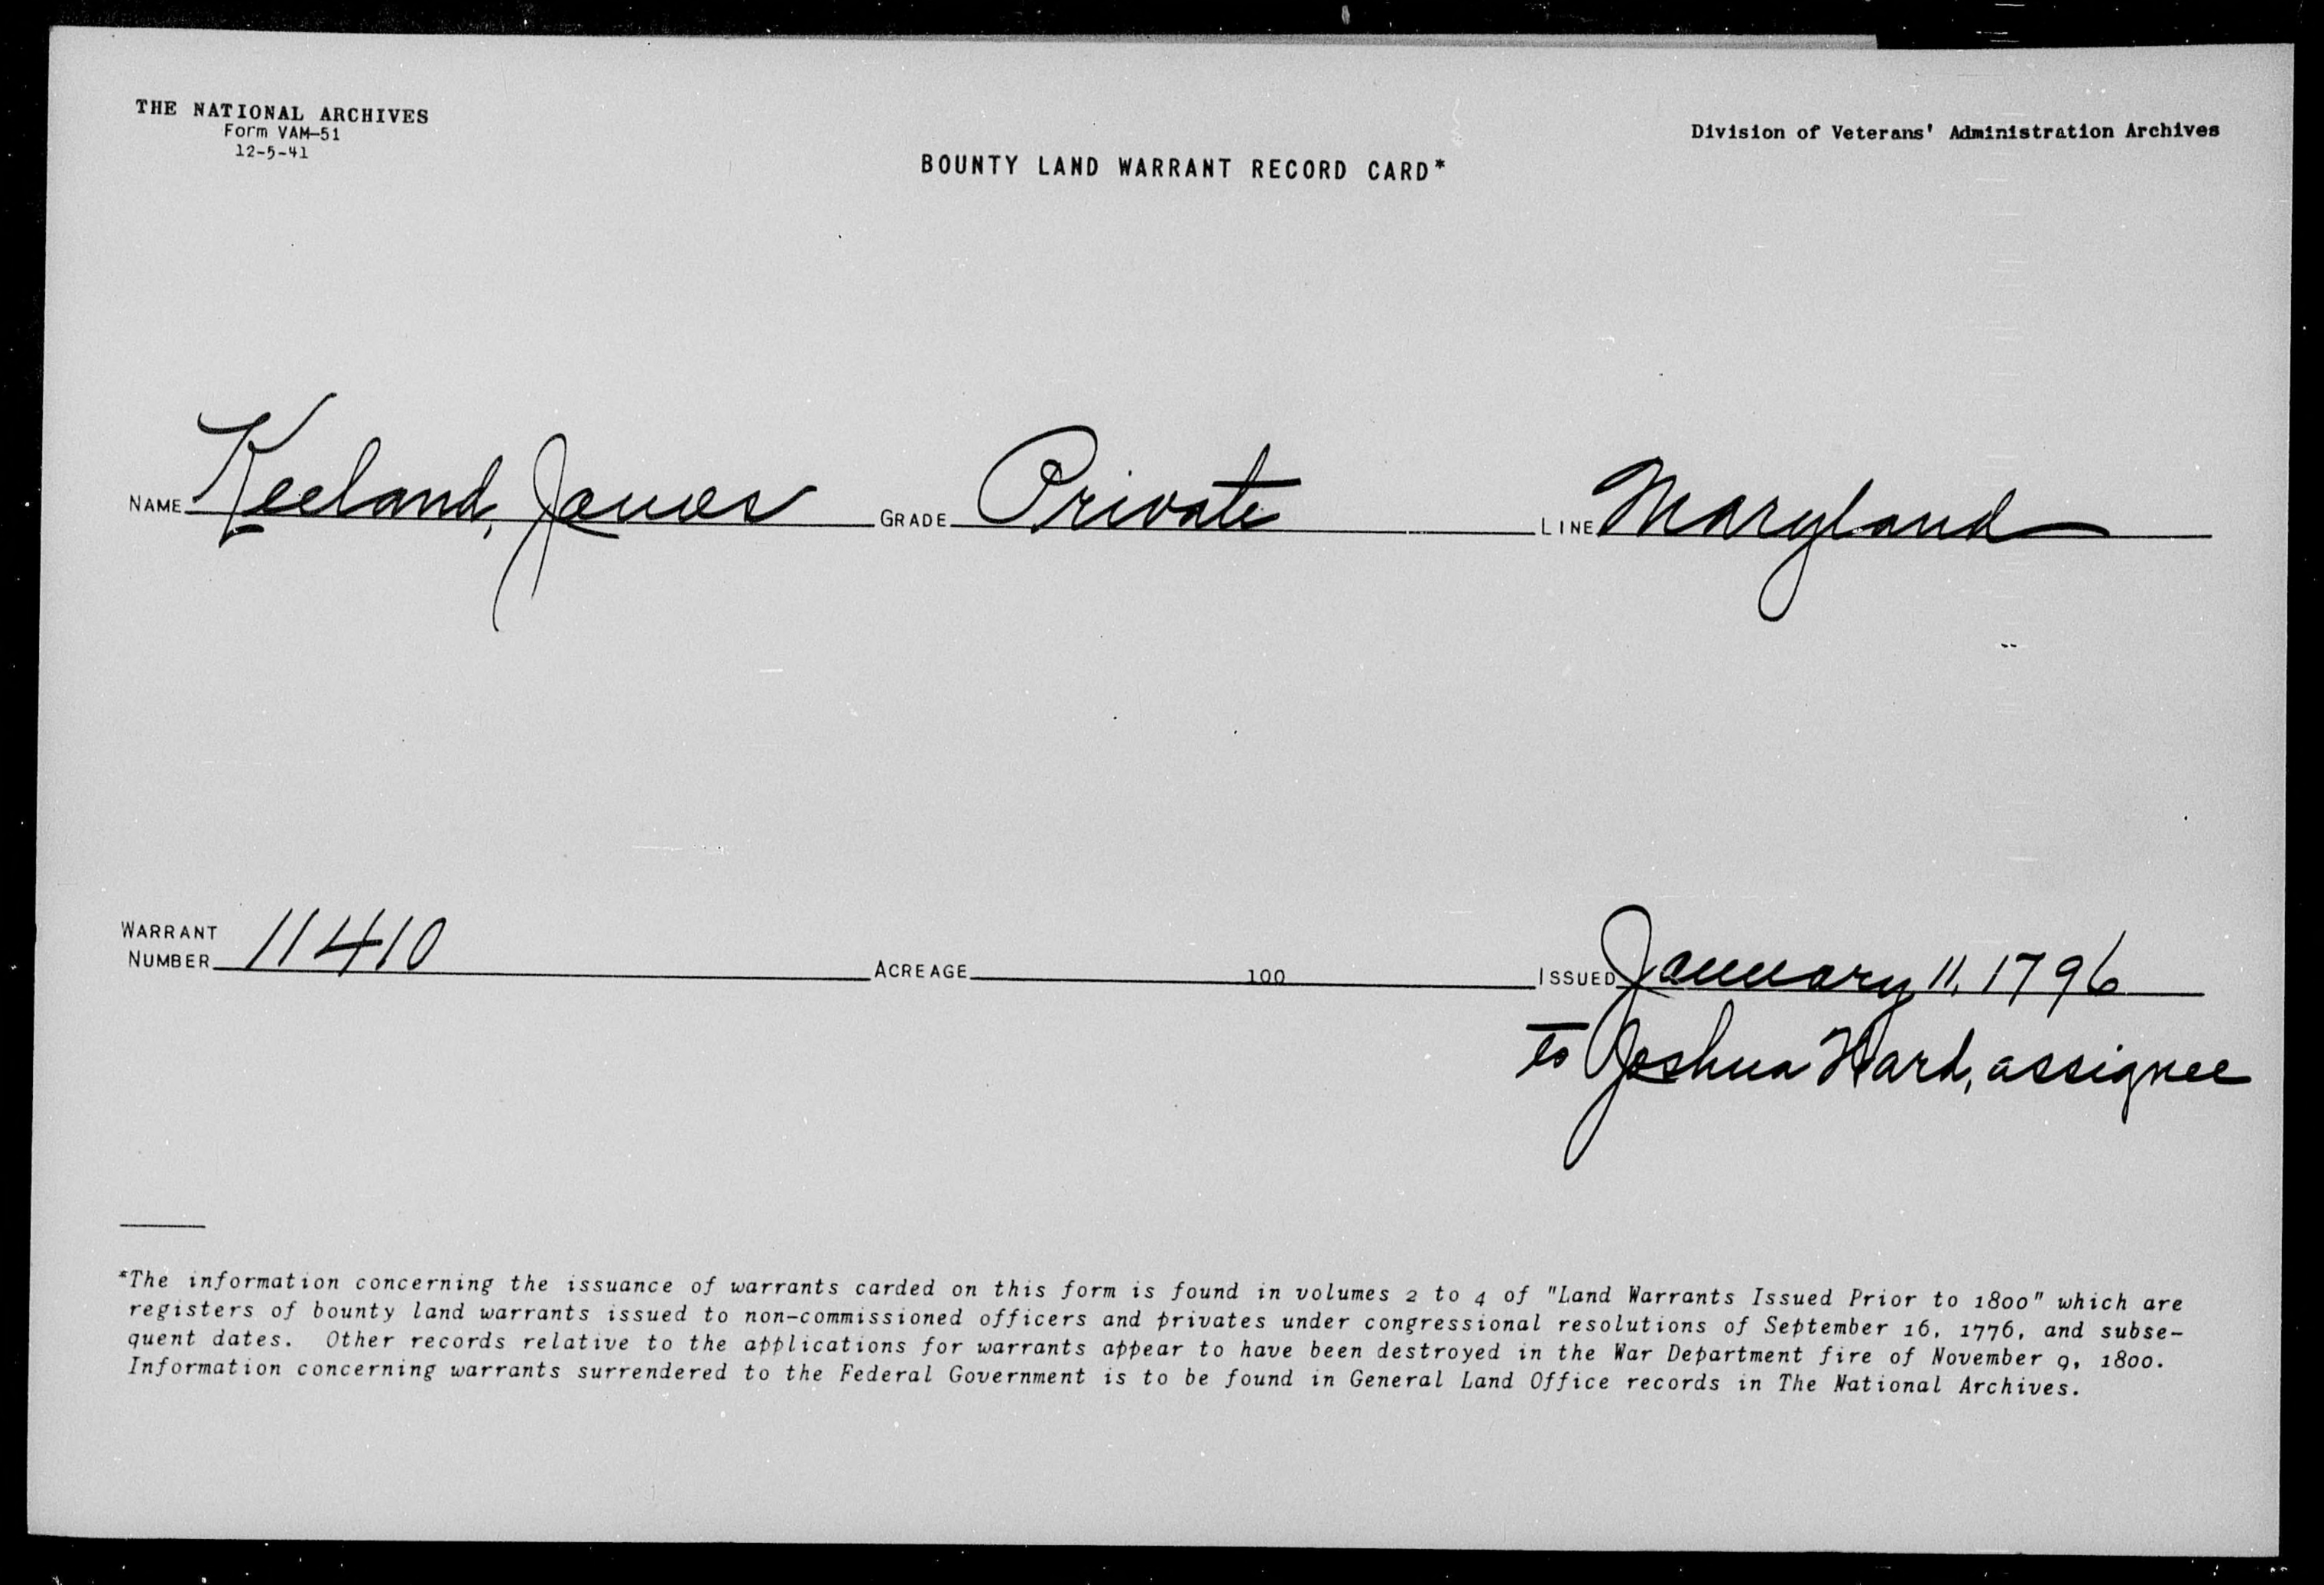Name: Keeland James, Grade: Private, Lines: Maryland

Warrant Number: 11410, Acre Age: 100, Issued: January 11, 1796 To Joshua Ward, assignee

The information concerning the issuance of warrants carded on this form is found in volumes 2 to 4 of "Land Warrants Issued Prior to 1800" which are registers of bounty land warrants issued to non-commissioned officers and privates under congressional resolutions of September 16, 1776, and subsequent dates. Other records relative to the applications for warrants appear to have been destroyed in the War Department fire of November 9, 1800. Information concerning warrants surrendered to the Federal Government is to be found in General Land Office records in The National Archives.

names: James Keeland; Joshua Ward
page: 14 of 16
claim: survivor's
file: S. 38110, for James Keelan, Maryland